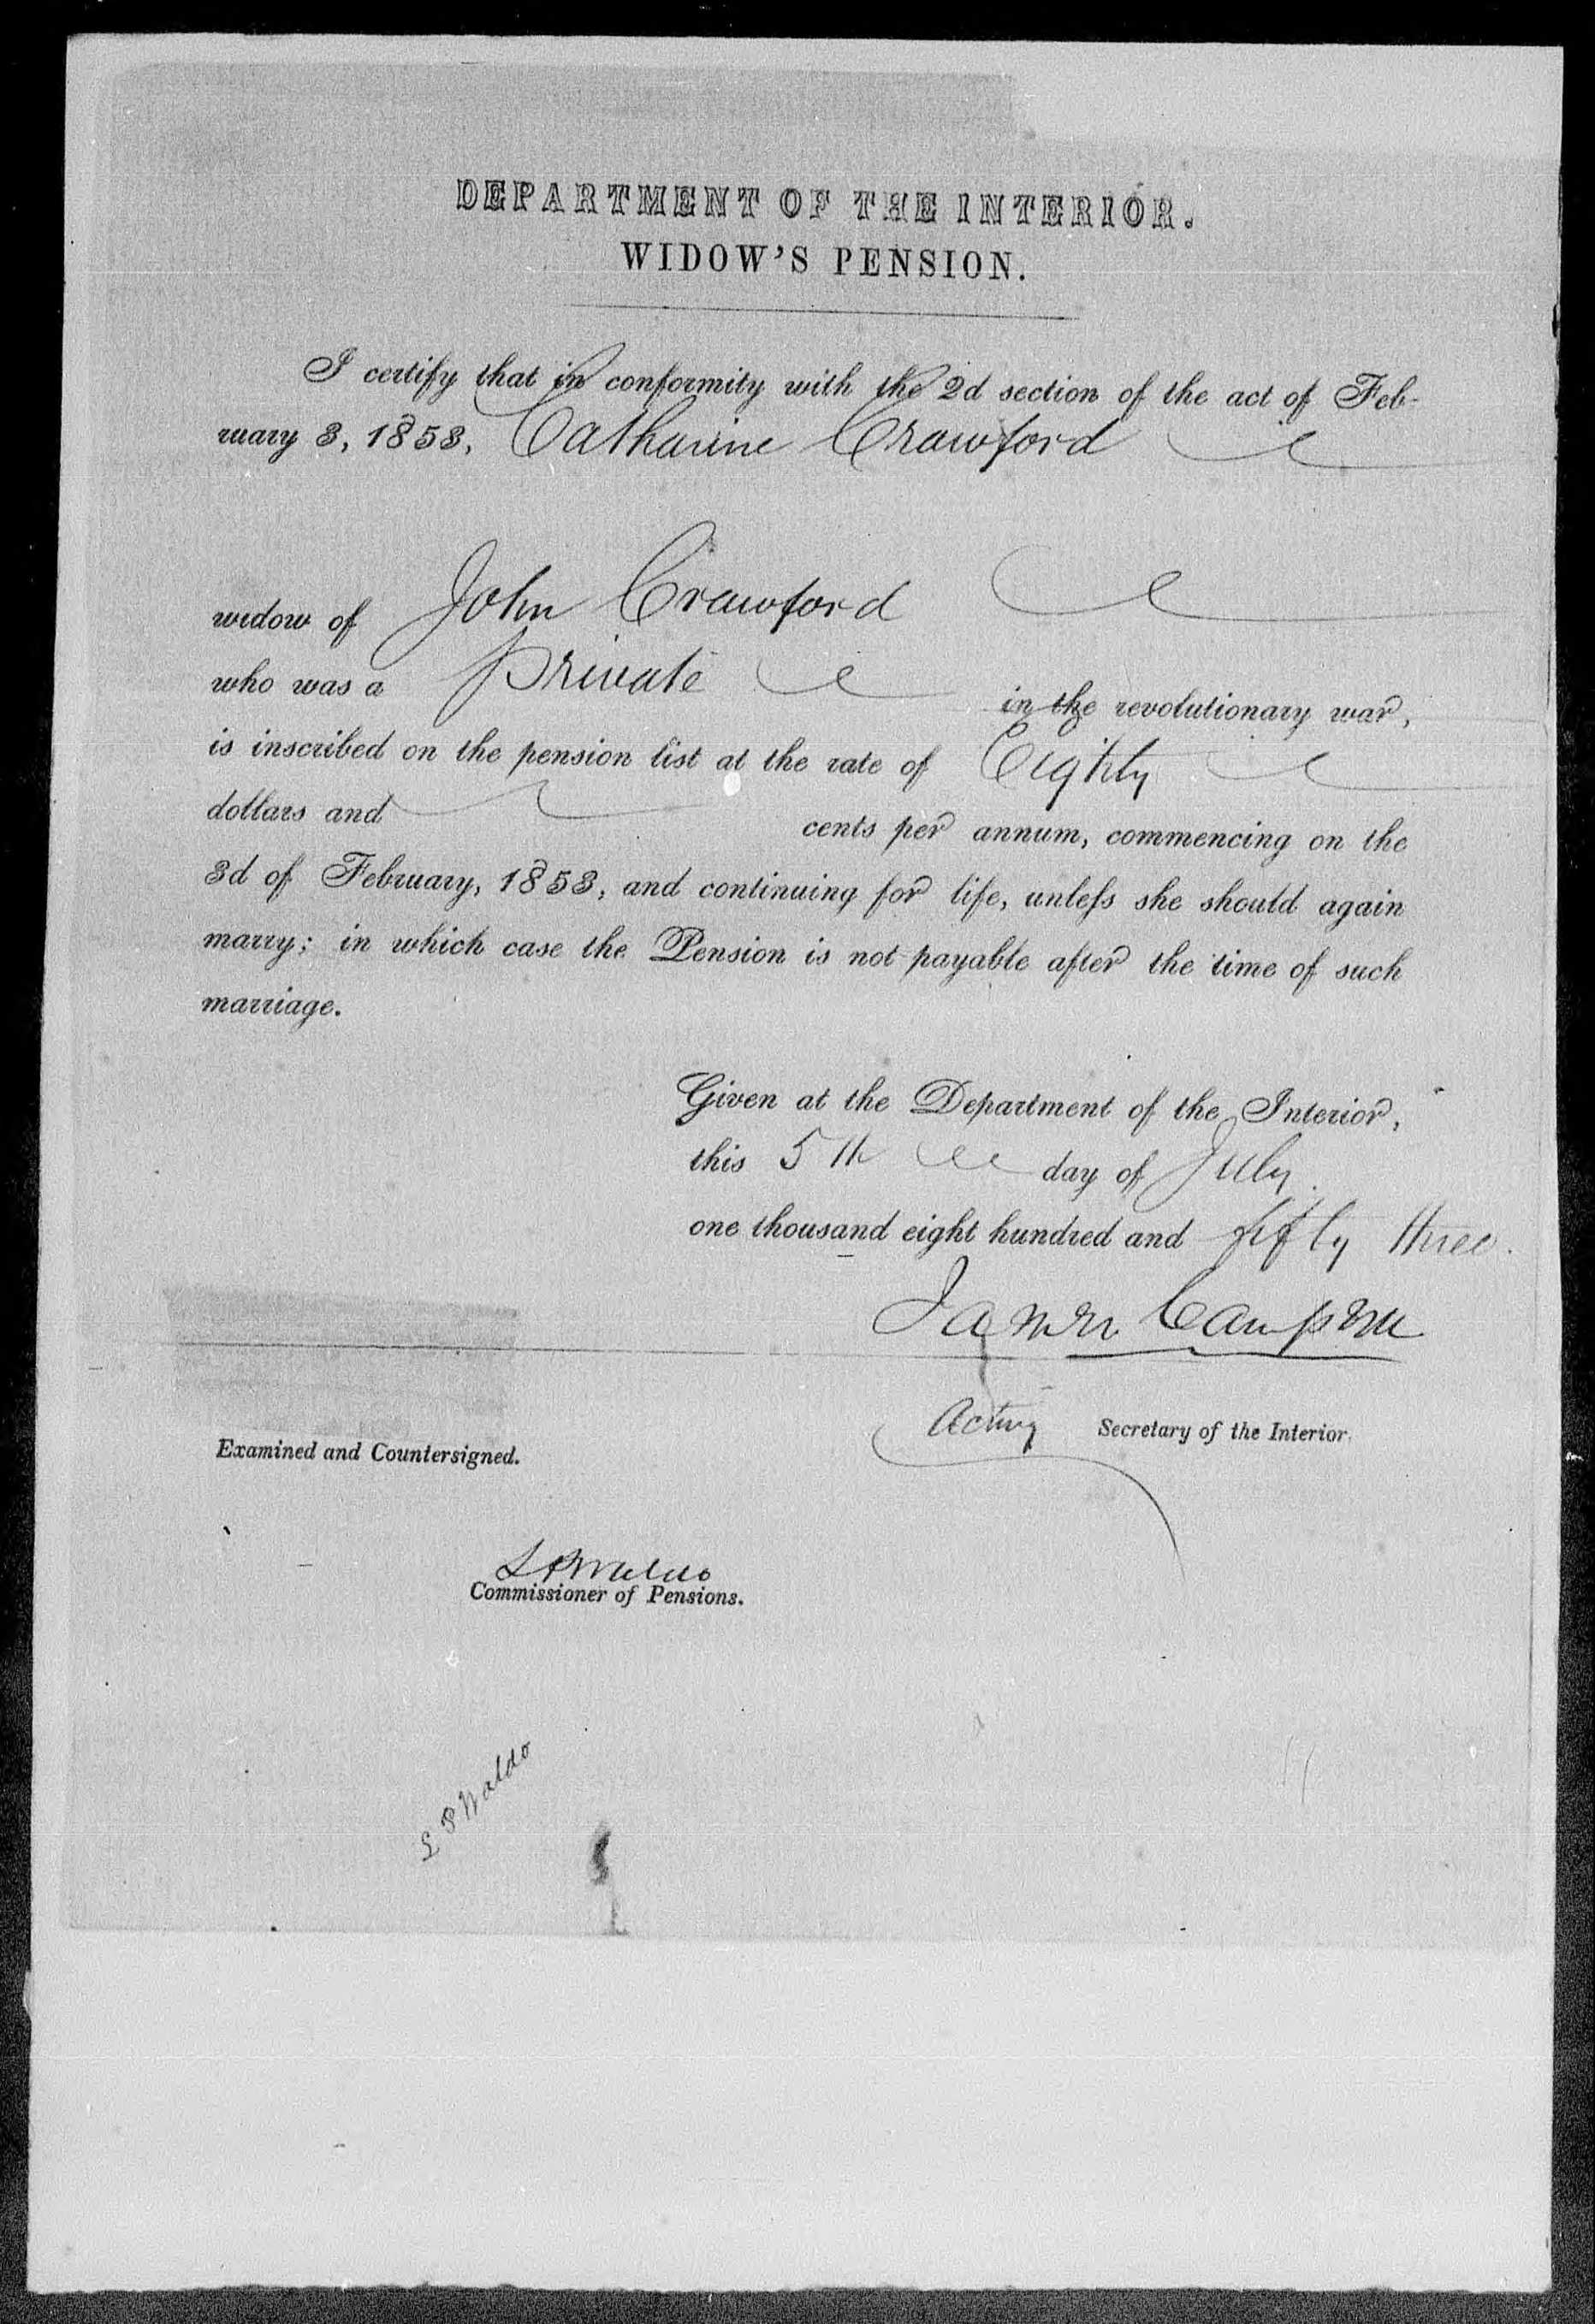DEPARTMENT OF THE INTERIOR
WIDOW'S PENSION

I certify that in conformity with the 2nd section of the act of February 3, 1853,  Catharine Crawford widow of John Crawford who was a Private in the revolutionary war is inscribed on the pension list at the rate of Eighty dollars and ____ cents per annum, commencing on the 3d of February, 1858, and continuing for life, unless she should again marry; in which case the Pension is not payable after the time of such marriage.

Given at the Department of the Interior this 5th day of July one thousand eight hundred and fifty three
James Campbell
Acting Secretary of the Interior

Examined and Countersigned.
L.P. Waldo
Commissioner of Pensions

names: John Crawford, Catharine Crawford, James Campbell, L P Waldo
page: 64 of 80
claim: widow's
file: W 2070, John Crawford, Penn.